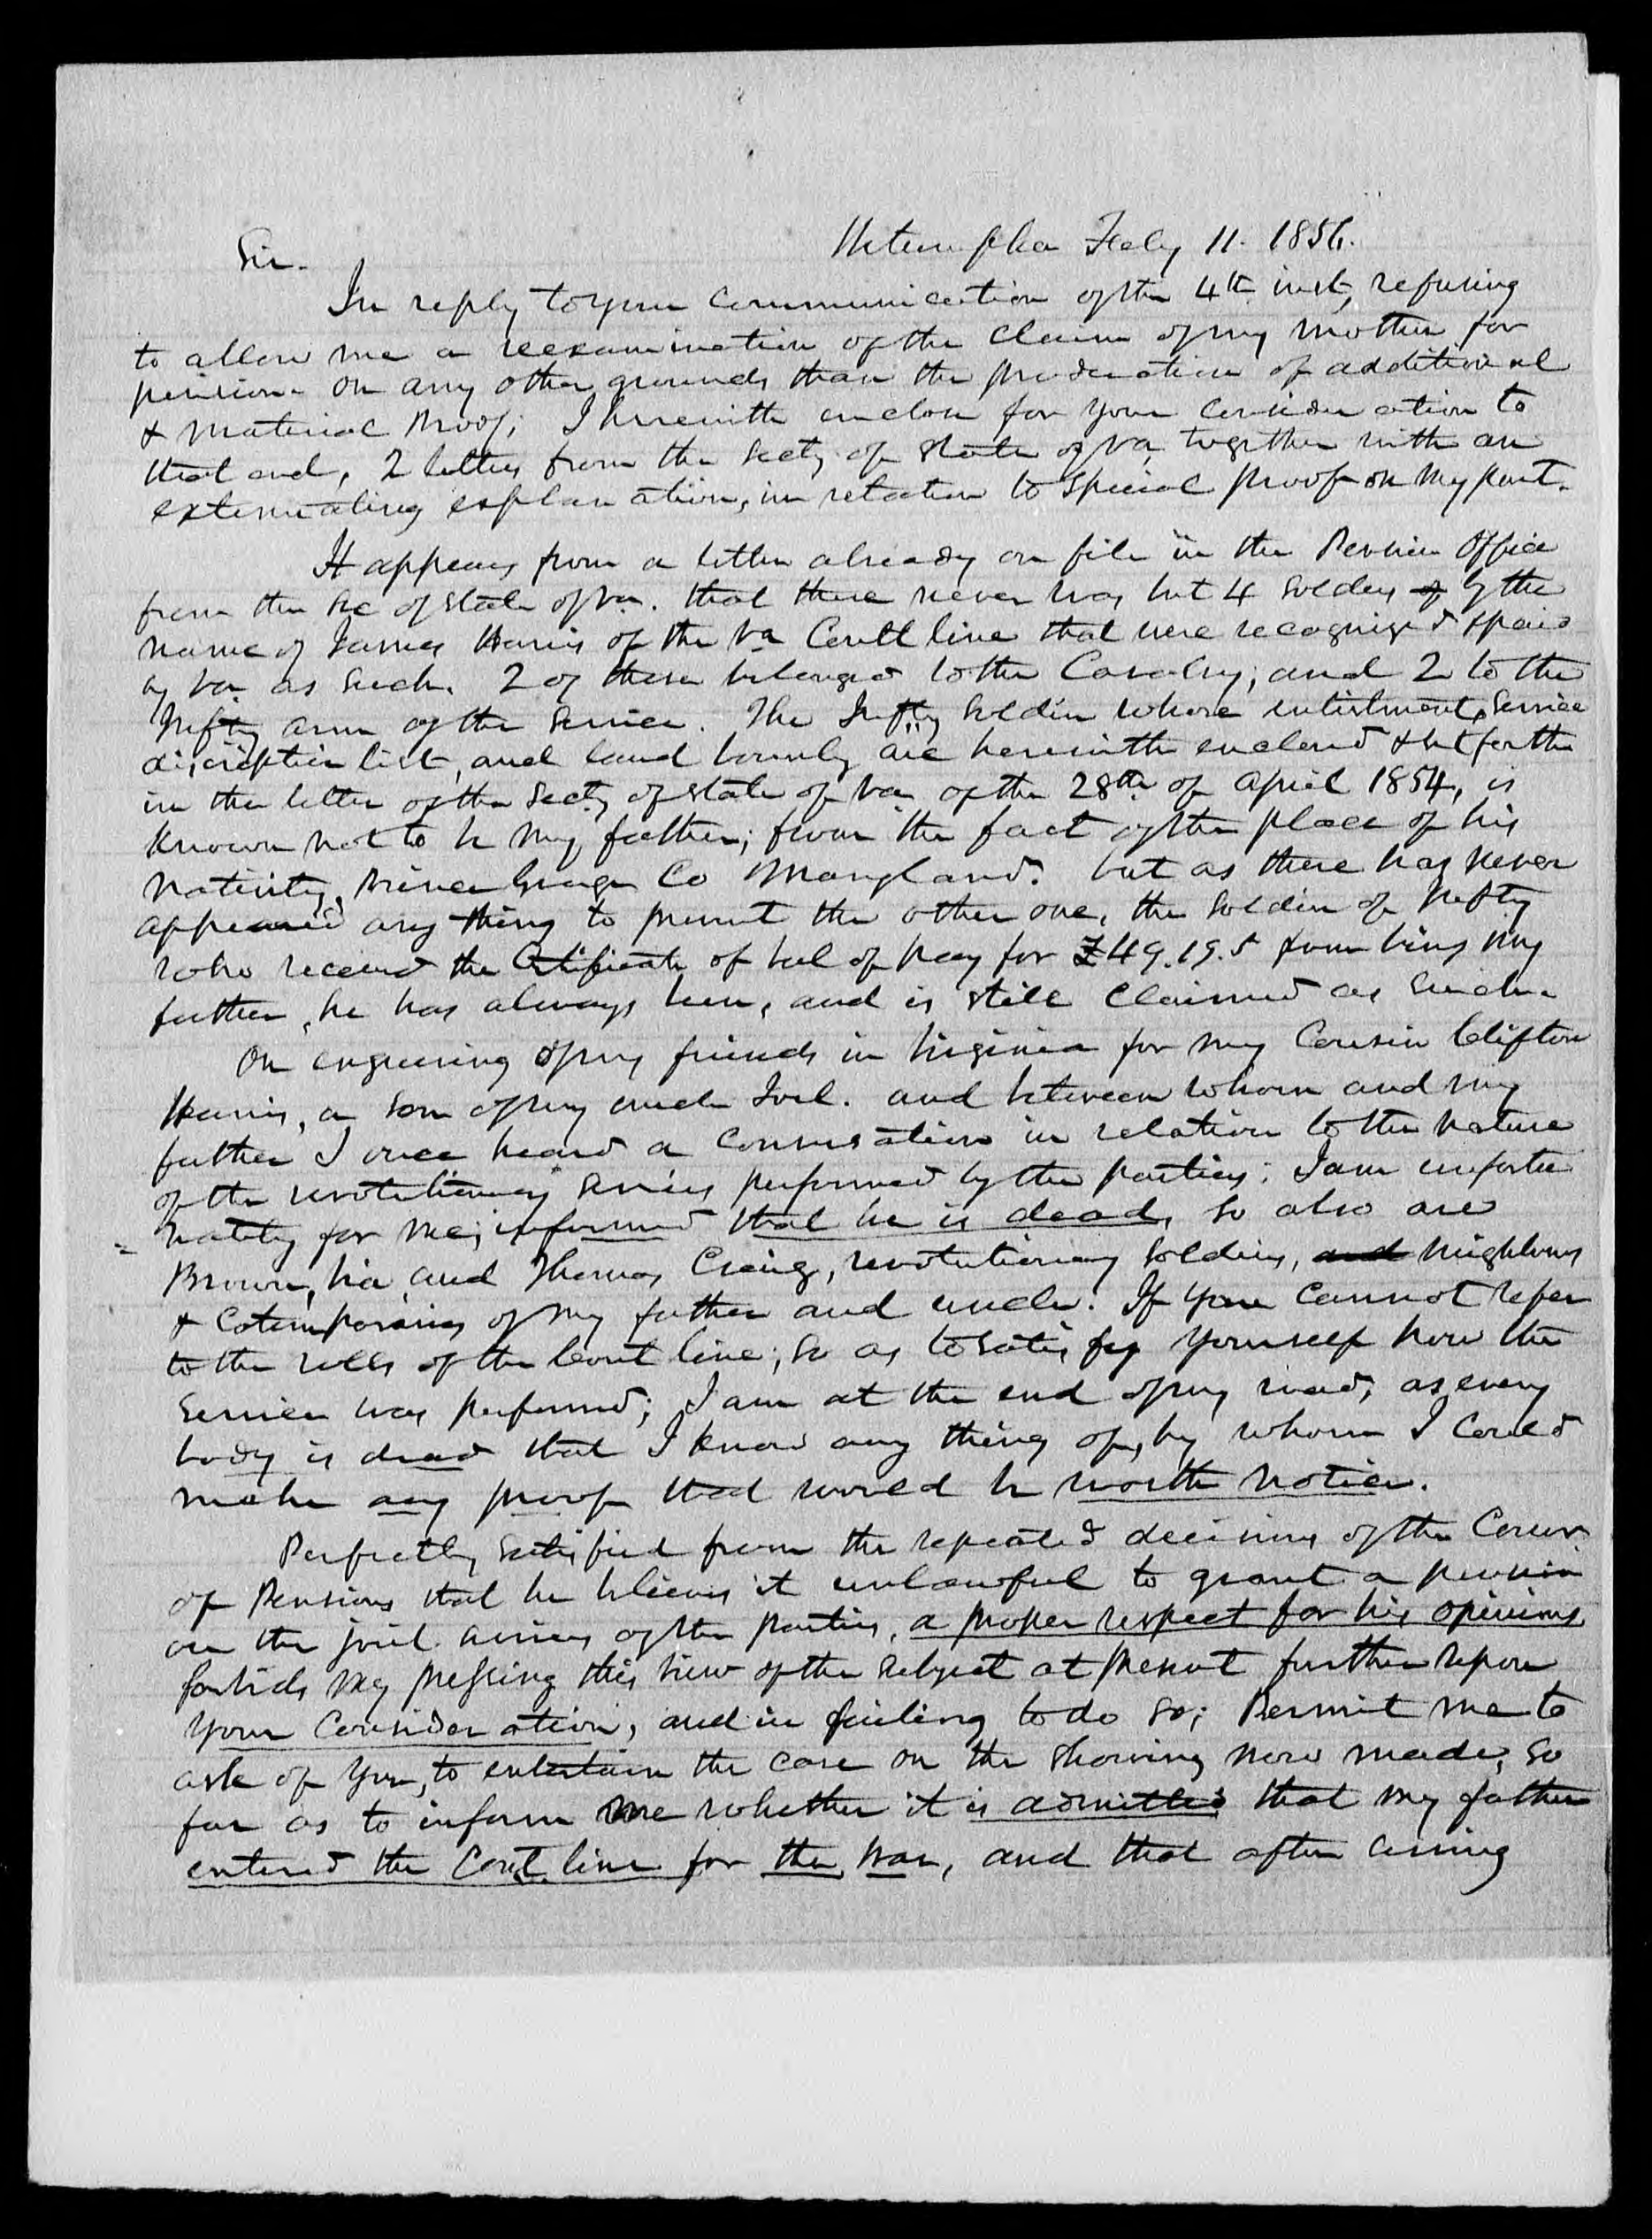Wetumpka Feby 11 1856

Sir
In reply to your communication of the 4th inst. referring to allow me a reexamination of the claim of my mother for pensions on any other grounds than the production of additional & material proof, I herewith enclose for your consideration to that end, 2 letters from the Secty of State of Va together with an extenuating explanation in relation to special proof on my part.
It appears from a letter already on file in the Pension Office from the Sec of State of Va that there never was but 4 soldiers [marked out: of] by the name of James Harris of the Va Contl line that were recognized & paid by Va as such.  2 of them belonged to the Cavalry, and 2 to the Infty arm of the service.  The Infty soldier whose entitlement to service descriptive list, and land bounty are herewith enclosed & set forth in the letter of the Secty of State of Va of the 28th of April 1854, is known not to be my father, from the fact of the place of his nativity, Prince George Co Maryland. But as there has never appeared any thing to prevent the other one, the soldier of Infty who received the certificate of bal of pay for [pound sterling]49.19.5 from being my father, he has always been, and is still, claimed as such.
On enquiring of my friends in Virginia for my Cousin Clifton Harris, a son of my uncle Joel, and between whom and my father I once heard a conversation in relation to the nature of the revolutionary service performed by the parties, I am unfortunately for me, informed that he is dead, so also are Brown, [?] and Thomas Craig, revolutionary soldiers {marked through: and] neighbors & contemporaries of my father and uncle.  If you cannot refer to the rolls of the Cont line, so as to satisfy yourself how the service was performed, I am at the end of my road, as every body is dead that I know any thing of, by whom I could make any proof that would be worth notice.
Perfectly satisfied from the report & decisions of the Comm of Pensions that he believes it unlawful to grant a pension on the [?] [?] of the parties, a proper respect for his opinions forbids my pressing this view of the subject at present further upon your consideration, and in failing to do so, permit me to ask of you, to entertain the case on the showing now made, so far as to inform whether it is admitted that my father entered the Cont line for the war, and that after [?]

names: Clifton Harris, James Harris, Brown, Thomas Craig, Joel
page: 74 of 160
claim: rejected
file: R. 4666, James Harris, Va.